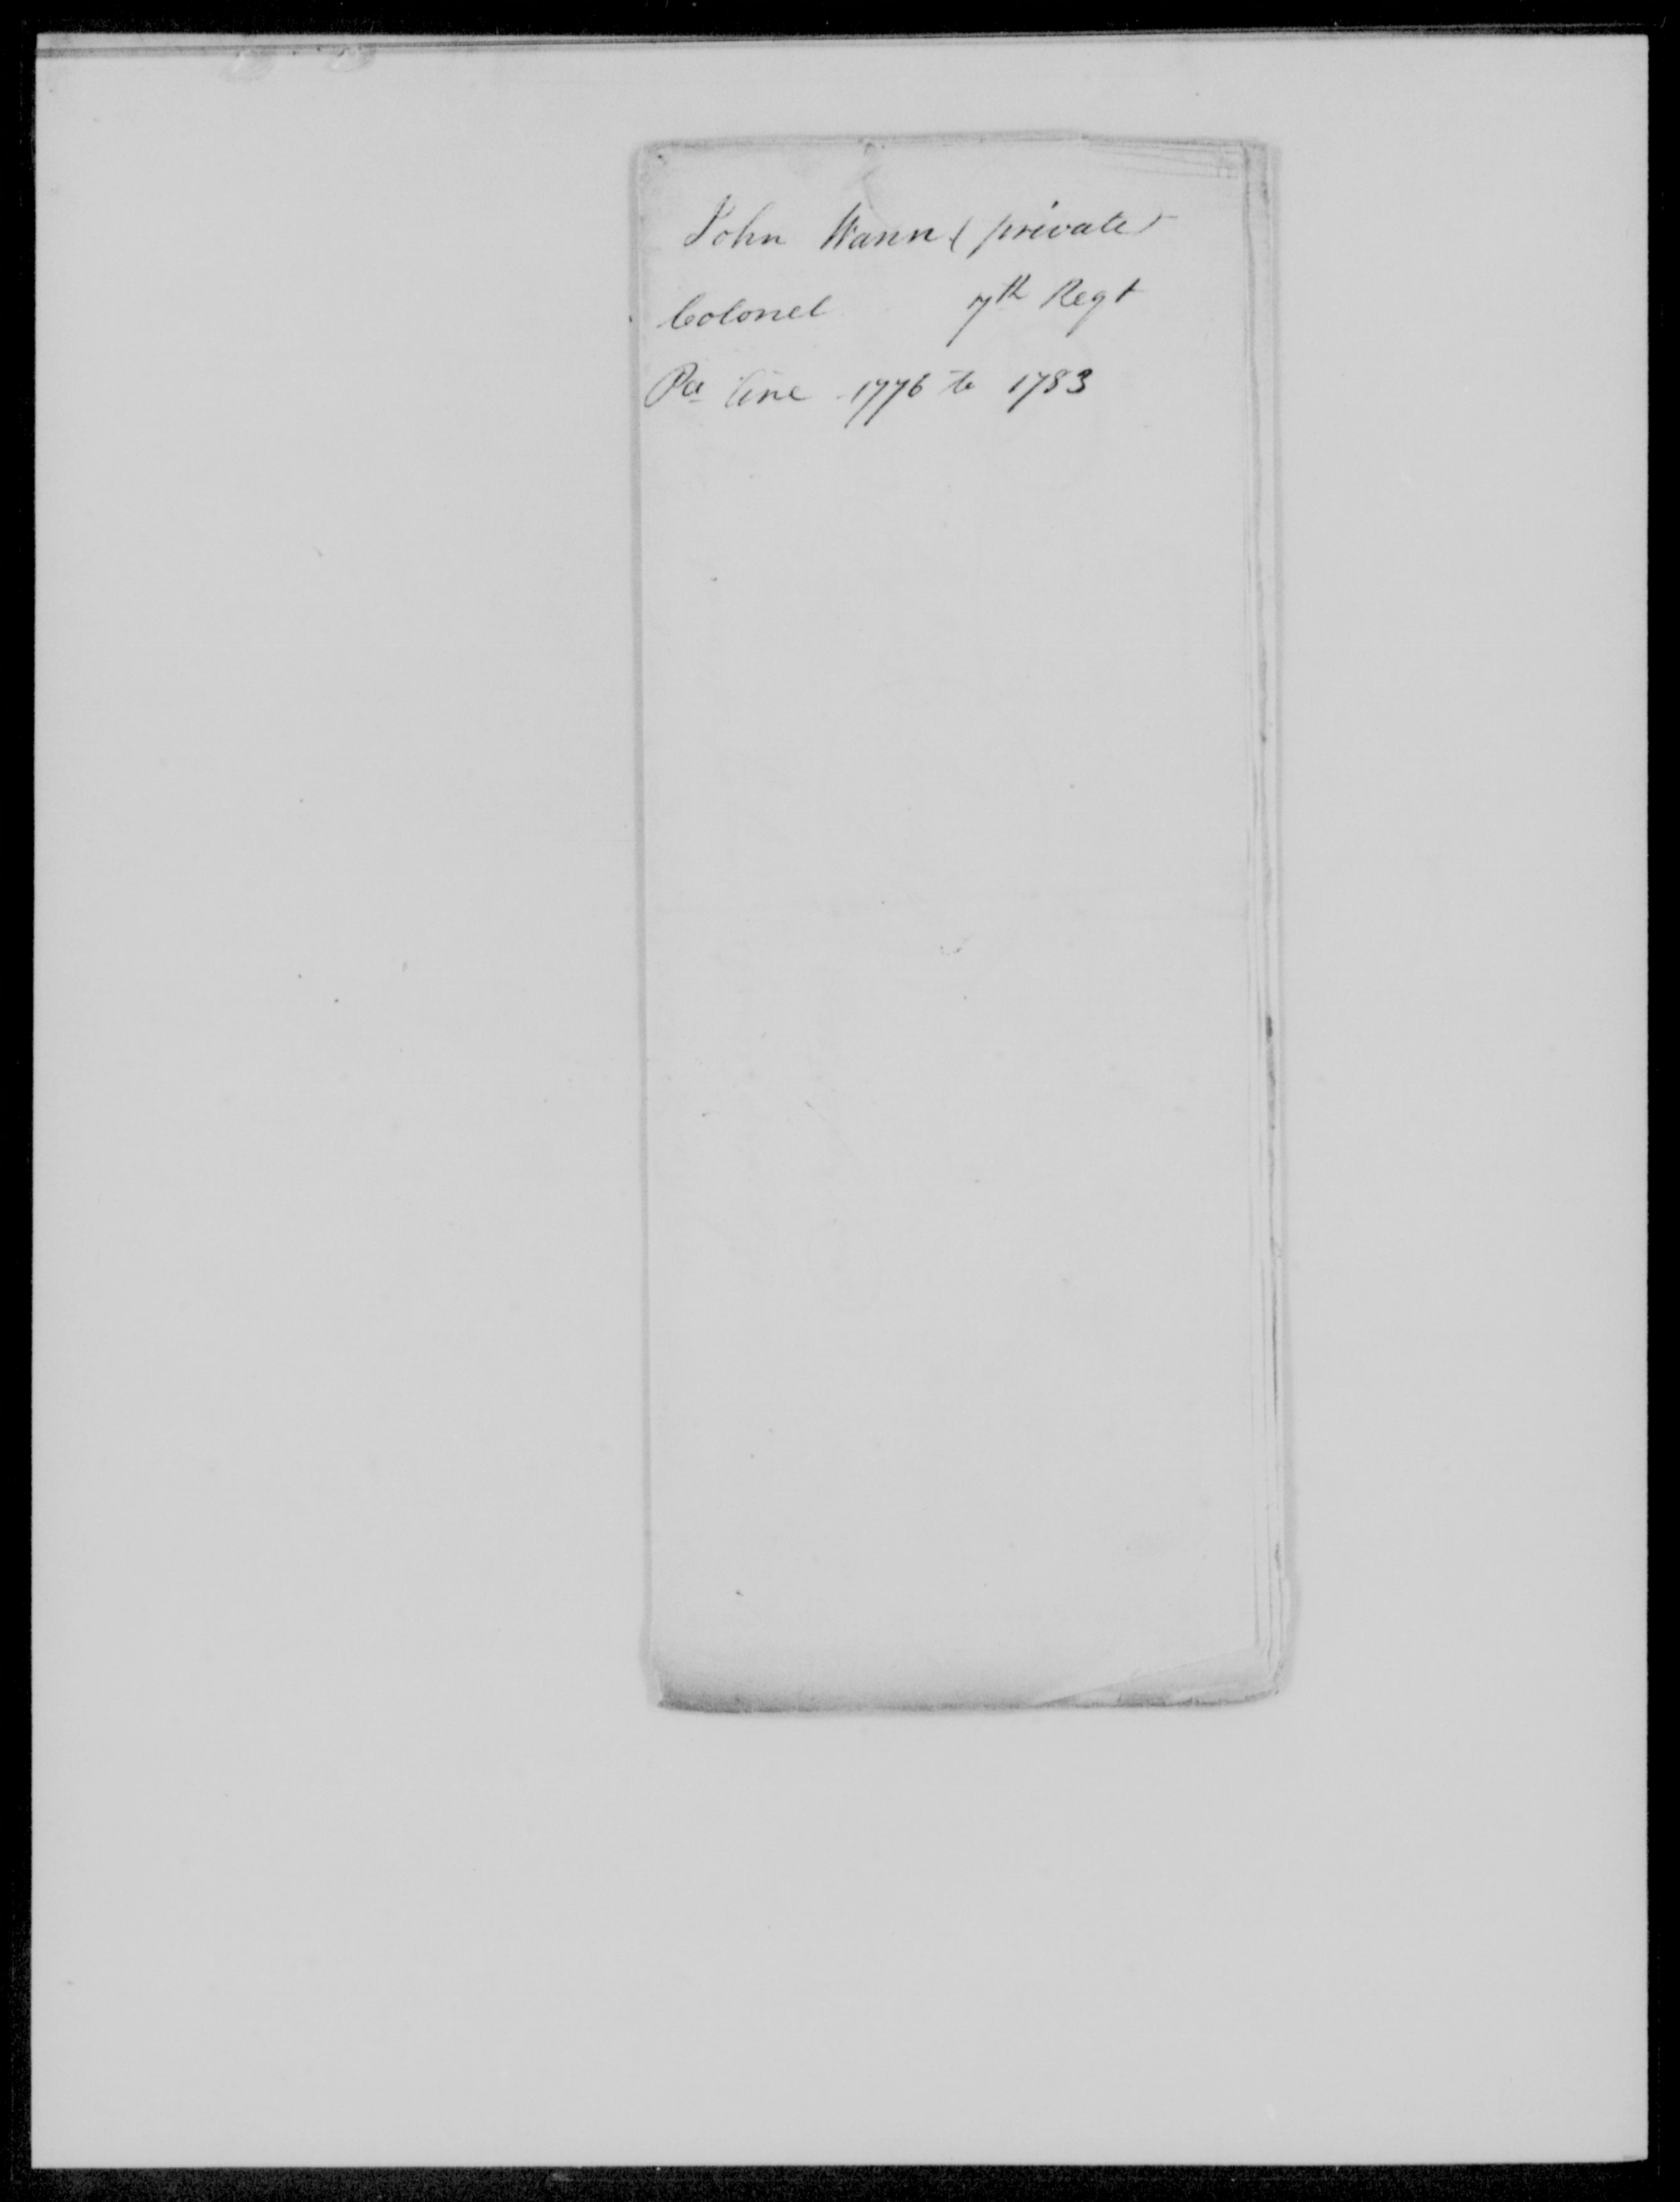John Wann (private-
Colonel
7th Regt
Pa line 1776 to 1783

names: John Wann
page: 13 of 38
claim: widow's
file: W. 3899, John Wann, Penn.